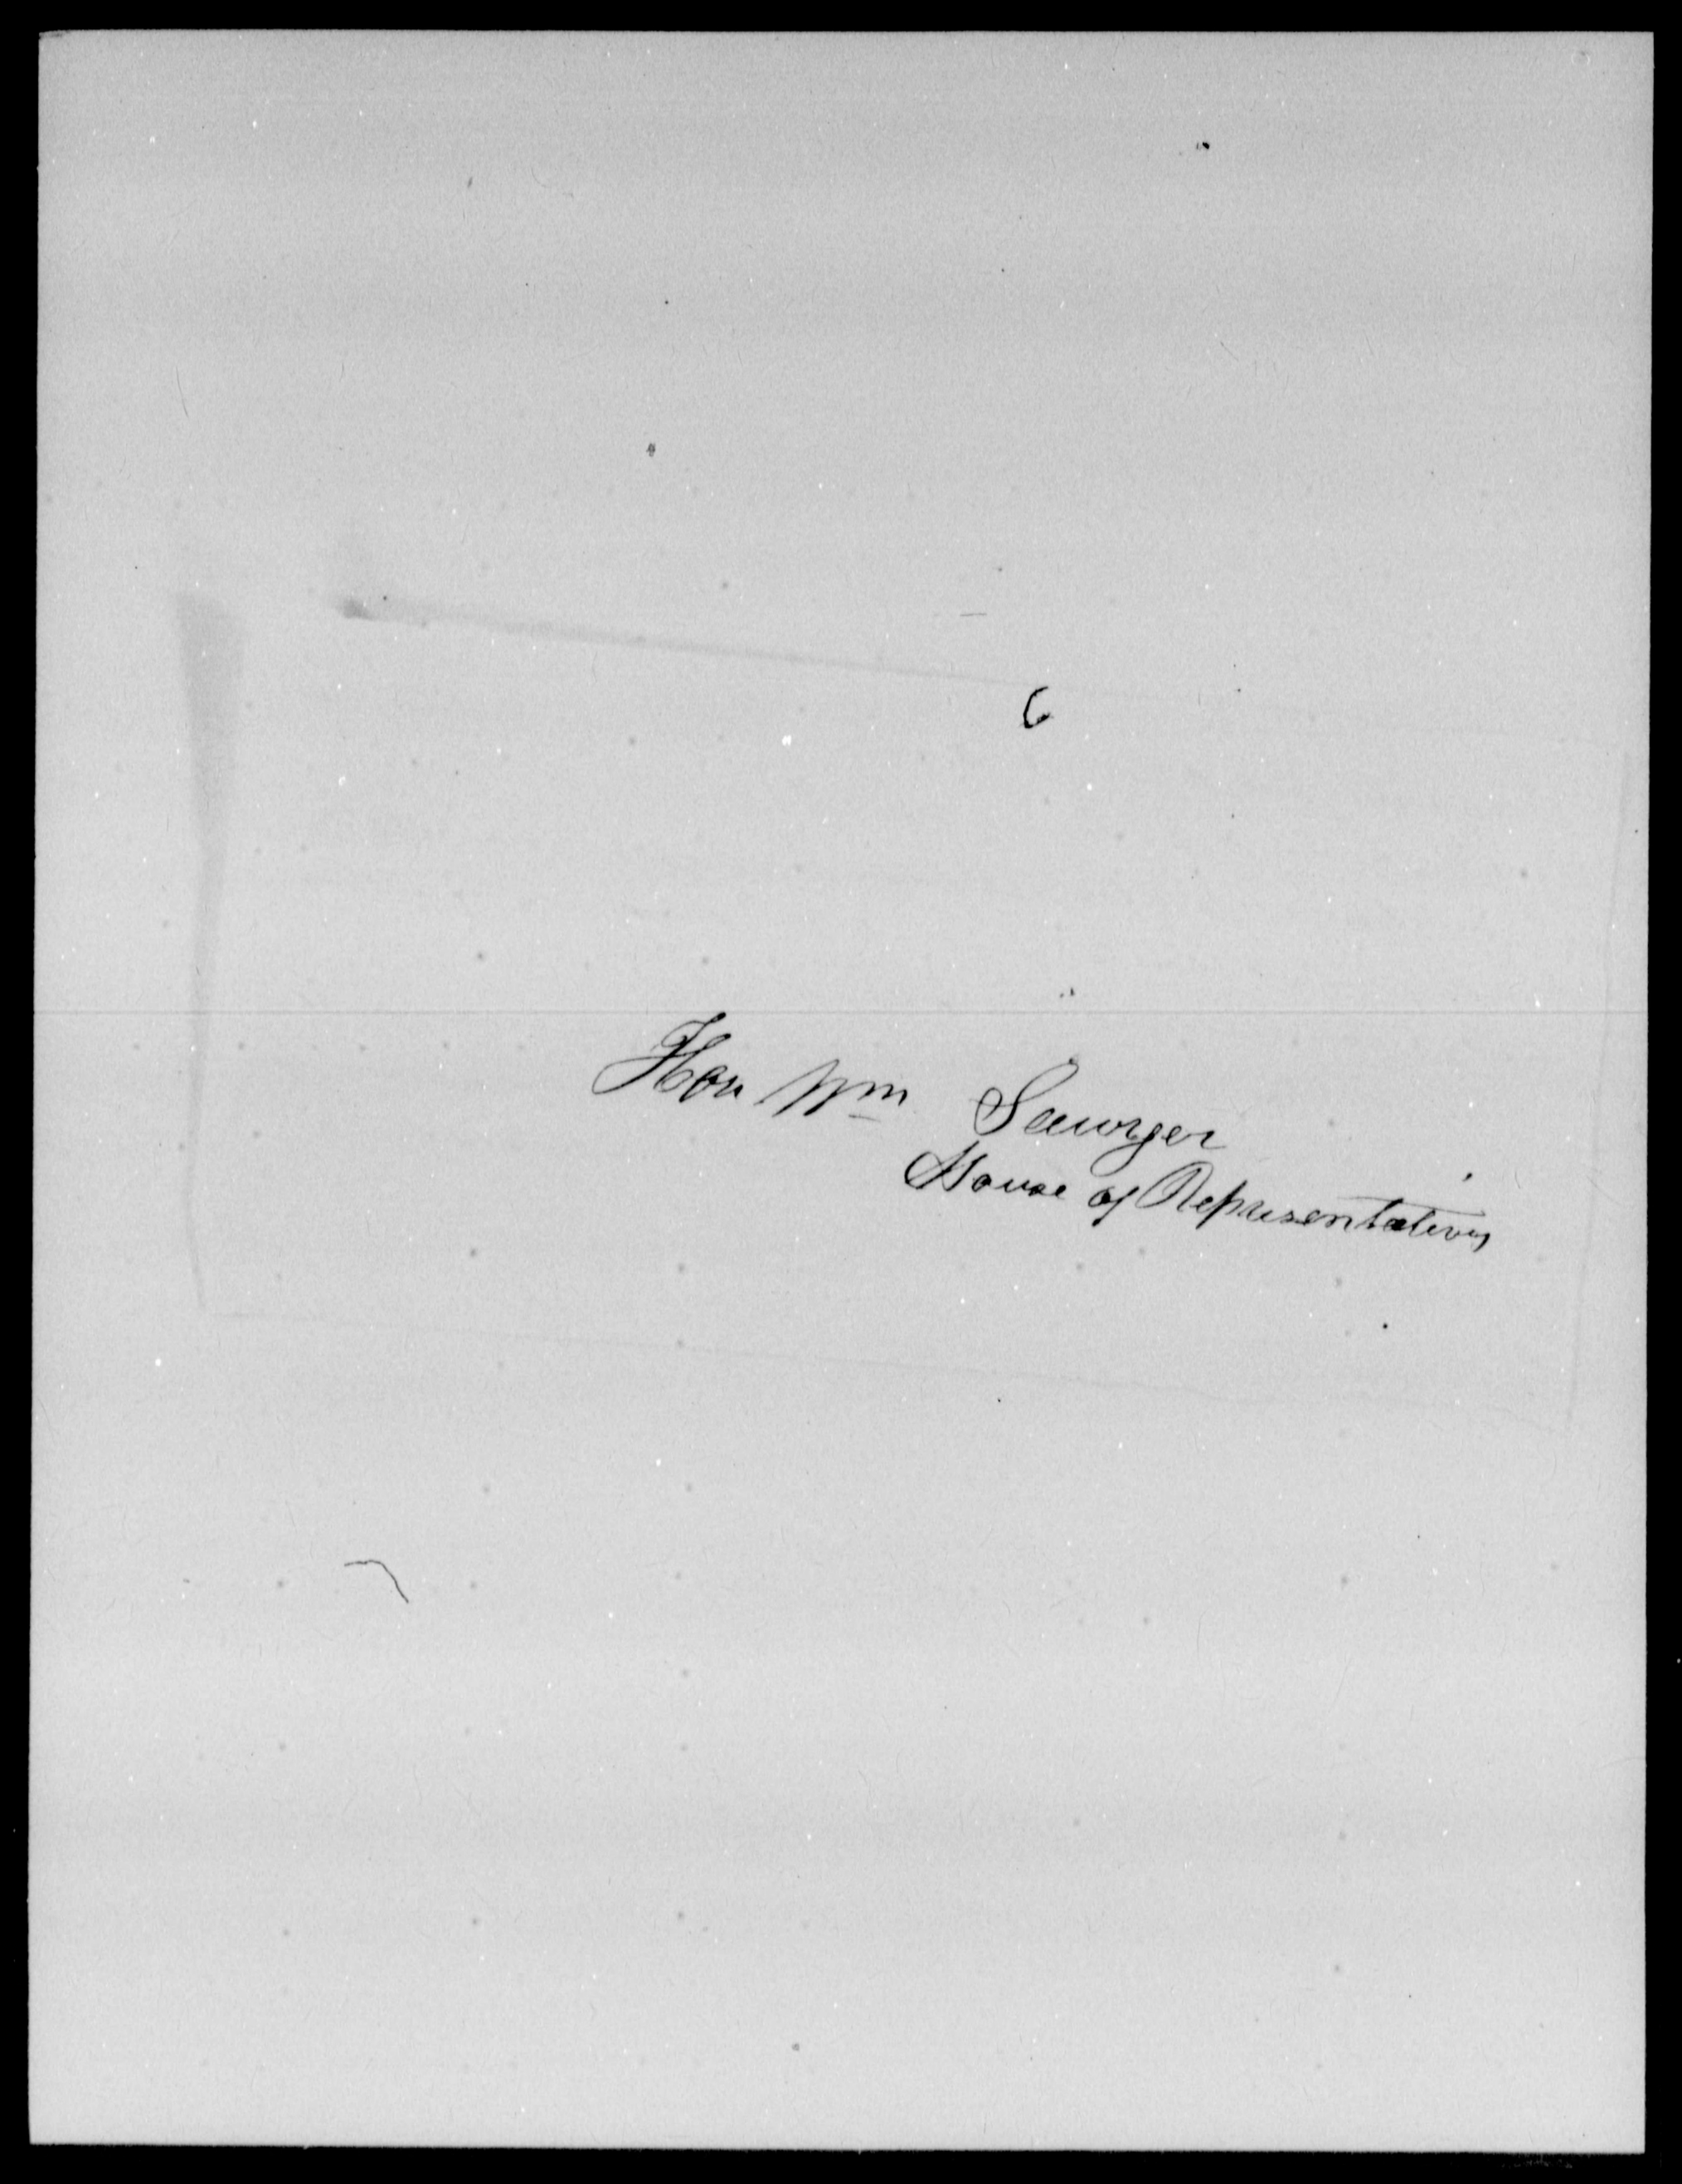6

Hon Wm Sawyer
House of Representatives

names: Wm Sawyer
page: 16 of 84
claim: widow's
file: W.11104, for John Remay, Virginia